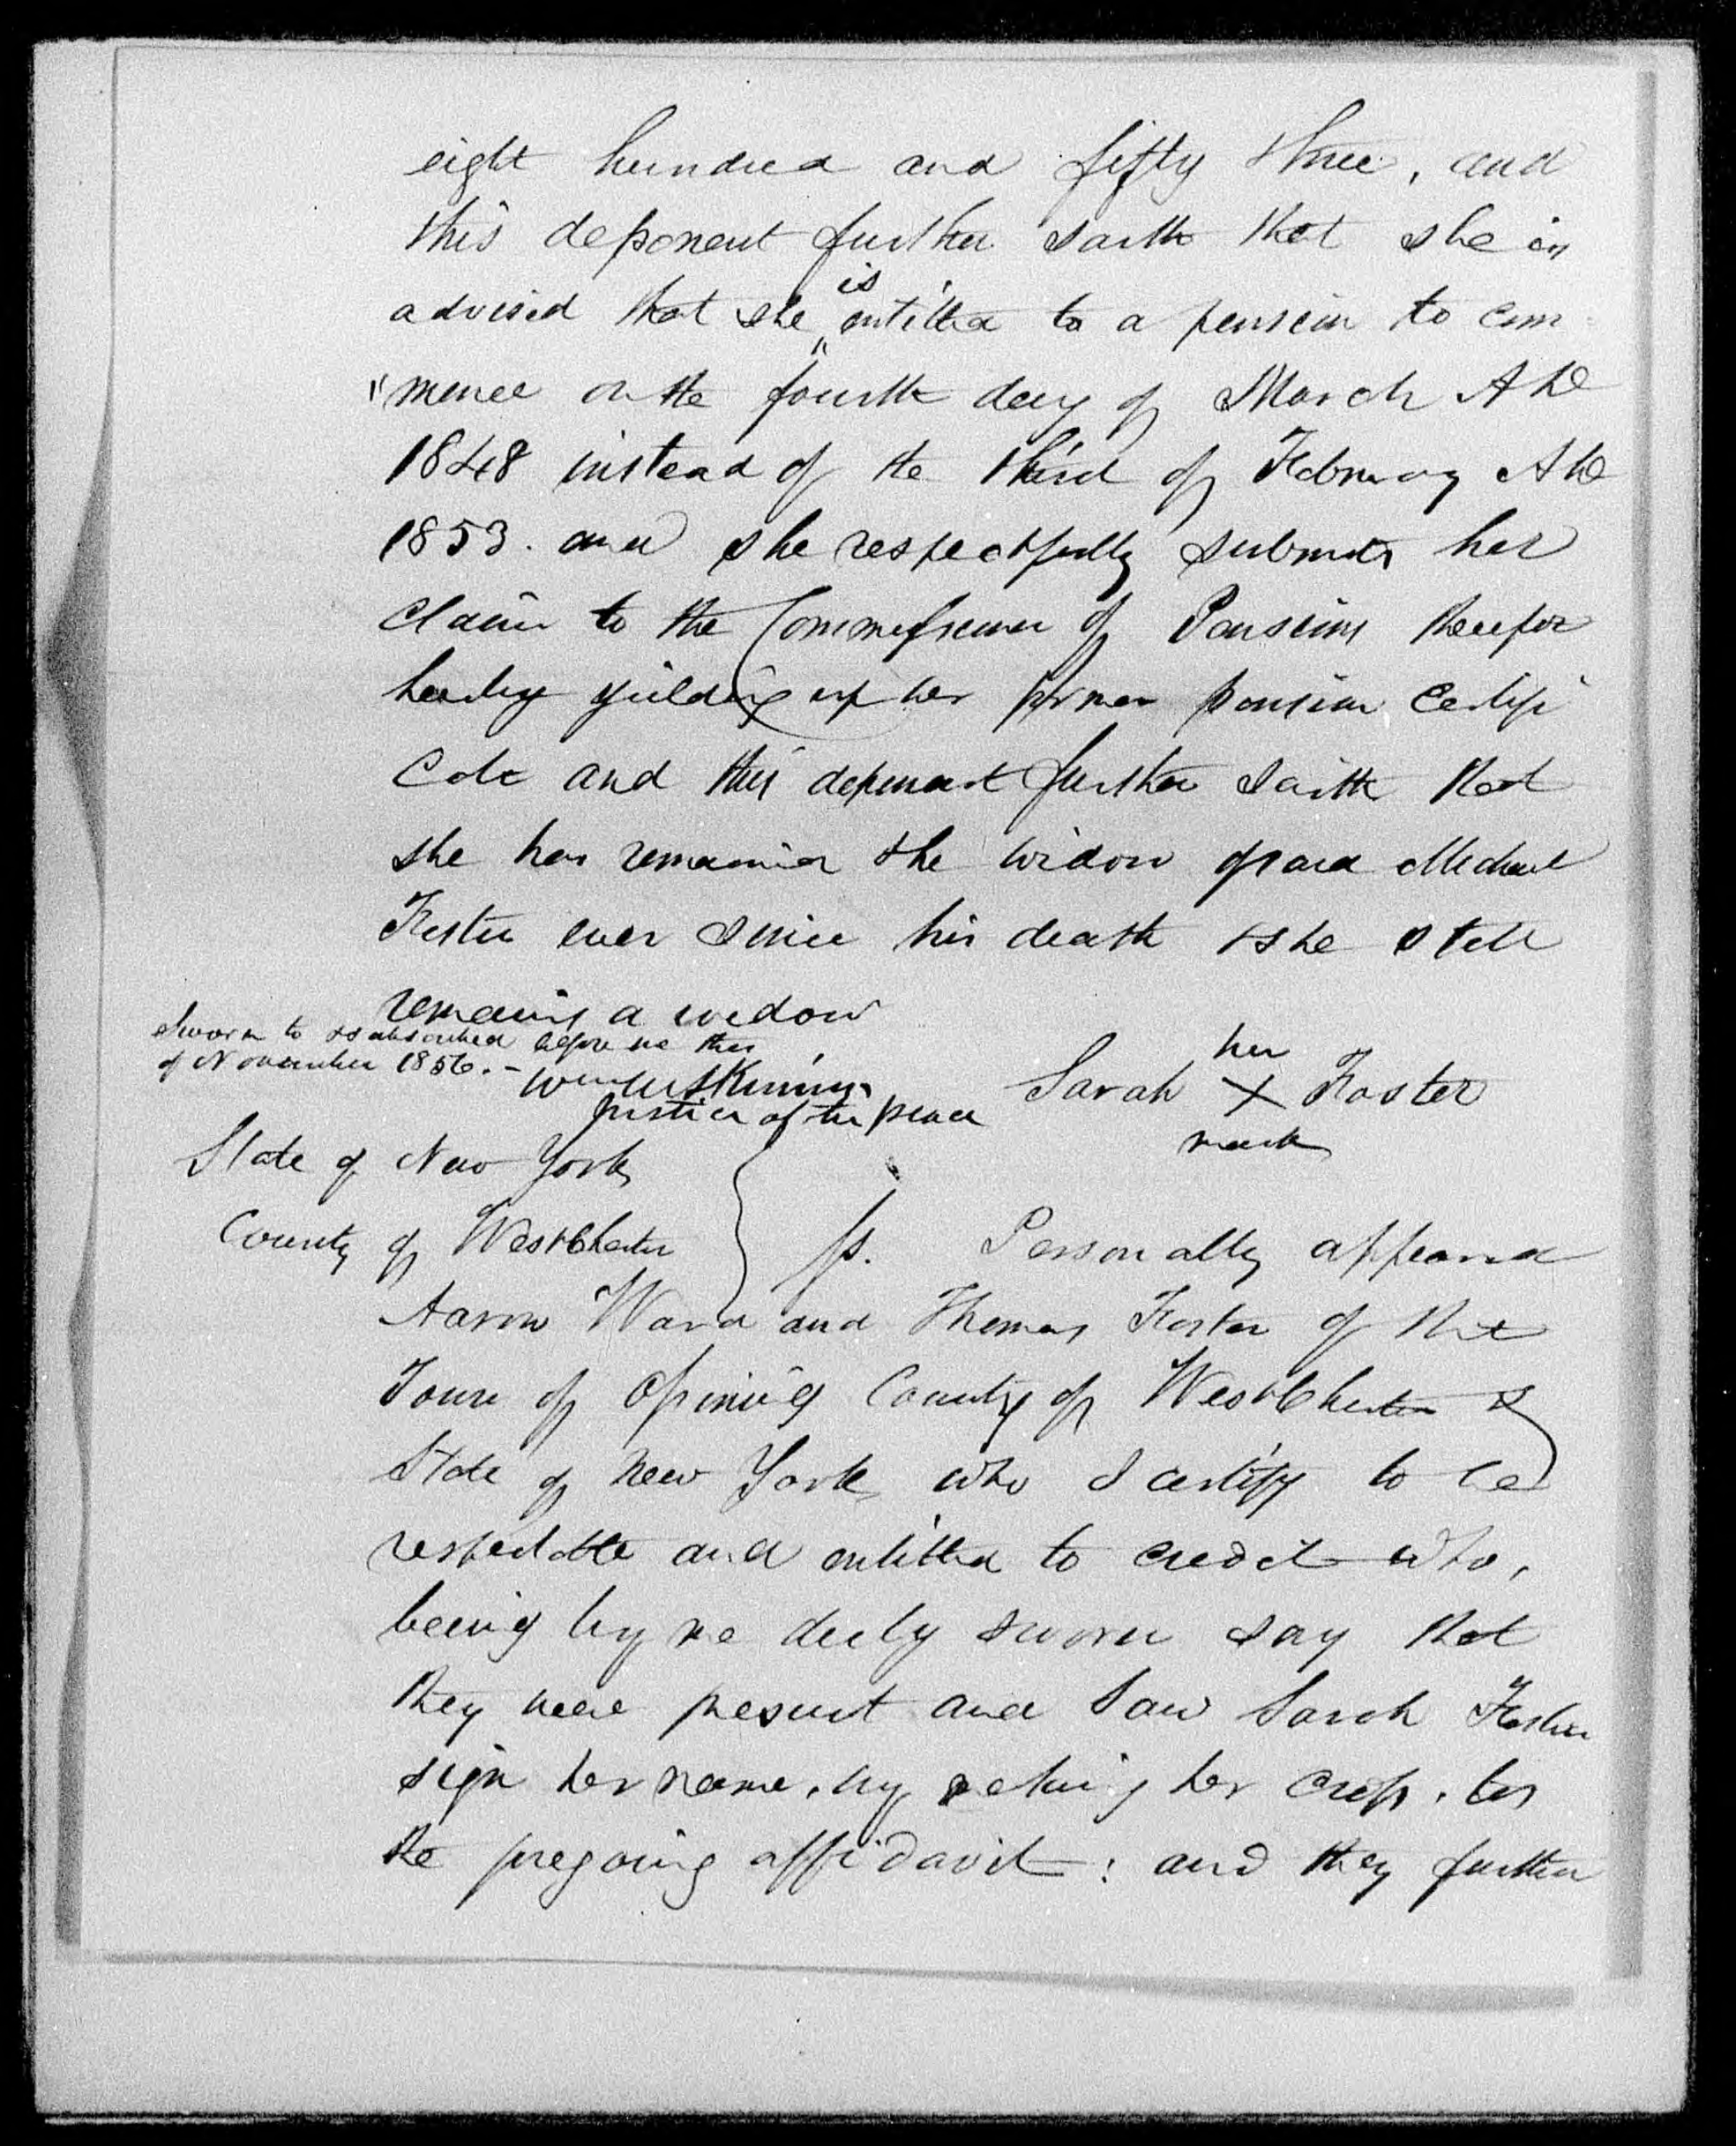eight hundred and fifty three, and this deponent further saith that she is advised that she is entitled to a pension to commence on the fourth day of March AD 1848 instead of the third of February AD 1853 and she respectfully submits her claim to the Commissioner of Pensions Therefore hereby yielding up her prior pension certificate and this dependent further saith that she has remained the widow of said Michael Foster ever since his death & she still remains a widow. 
Sarah x her mark Foster
Sworn to & subscribed before me this of November 1856. 
Wm M. Skinner

State of New York
County of Westchester SS
Personally appeared Aaron Ward and Thomas Foster of the Town of Ossining County of Westchester & State of New York, who I certify to be respectable and entitled to credit who being by me duly sworn say that they were present and saw Sarah Foster sign her name by making her (??) the foregoining affidavit: and they further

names: Aaron Ward, Wm M Skinner, Sarah Foster, Thomas Foster, Sarah Foster, Michael Foster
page: 52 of 57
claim: widow's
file: W. 5275 1/2, Michael Foster, Penn.